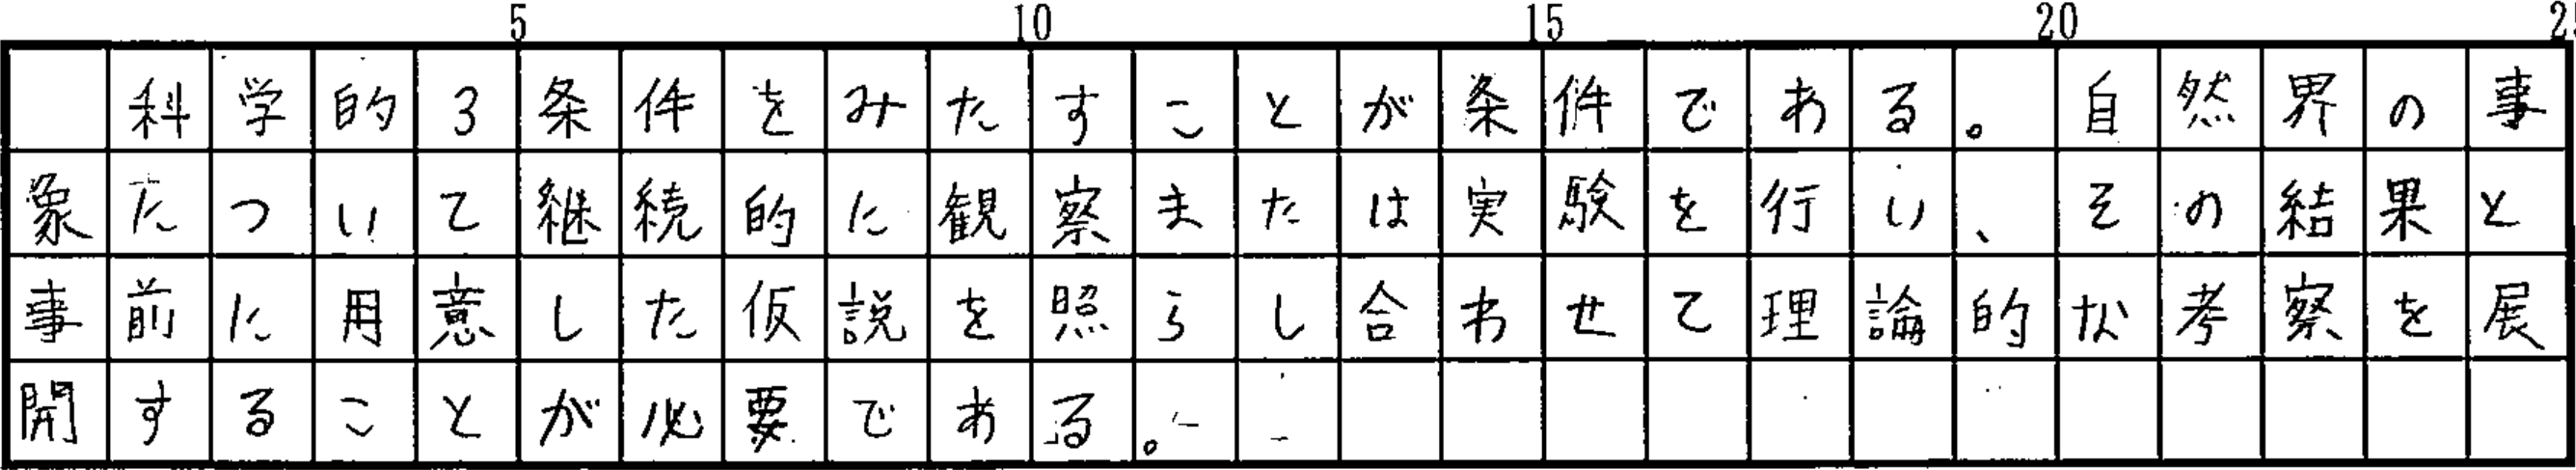　科学的３条件をみたすことが条件である。自然界の事象について継続的に観察または実験を行い、その結果と事前に用意した仮説を照らし合わせて理論的な考察を展開することが必要である。
